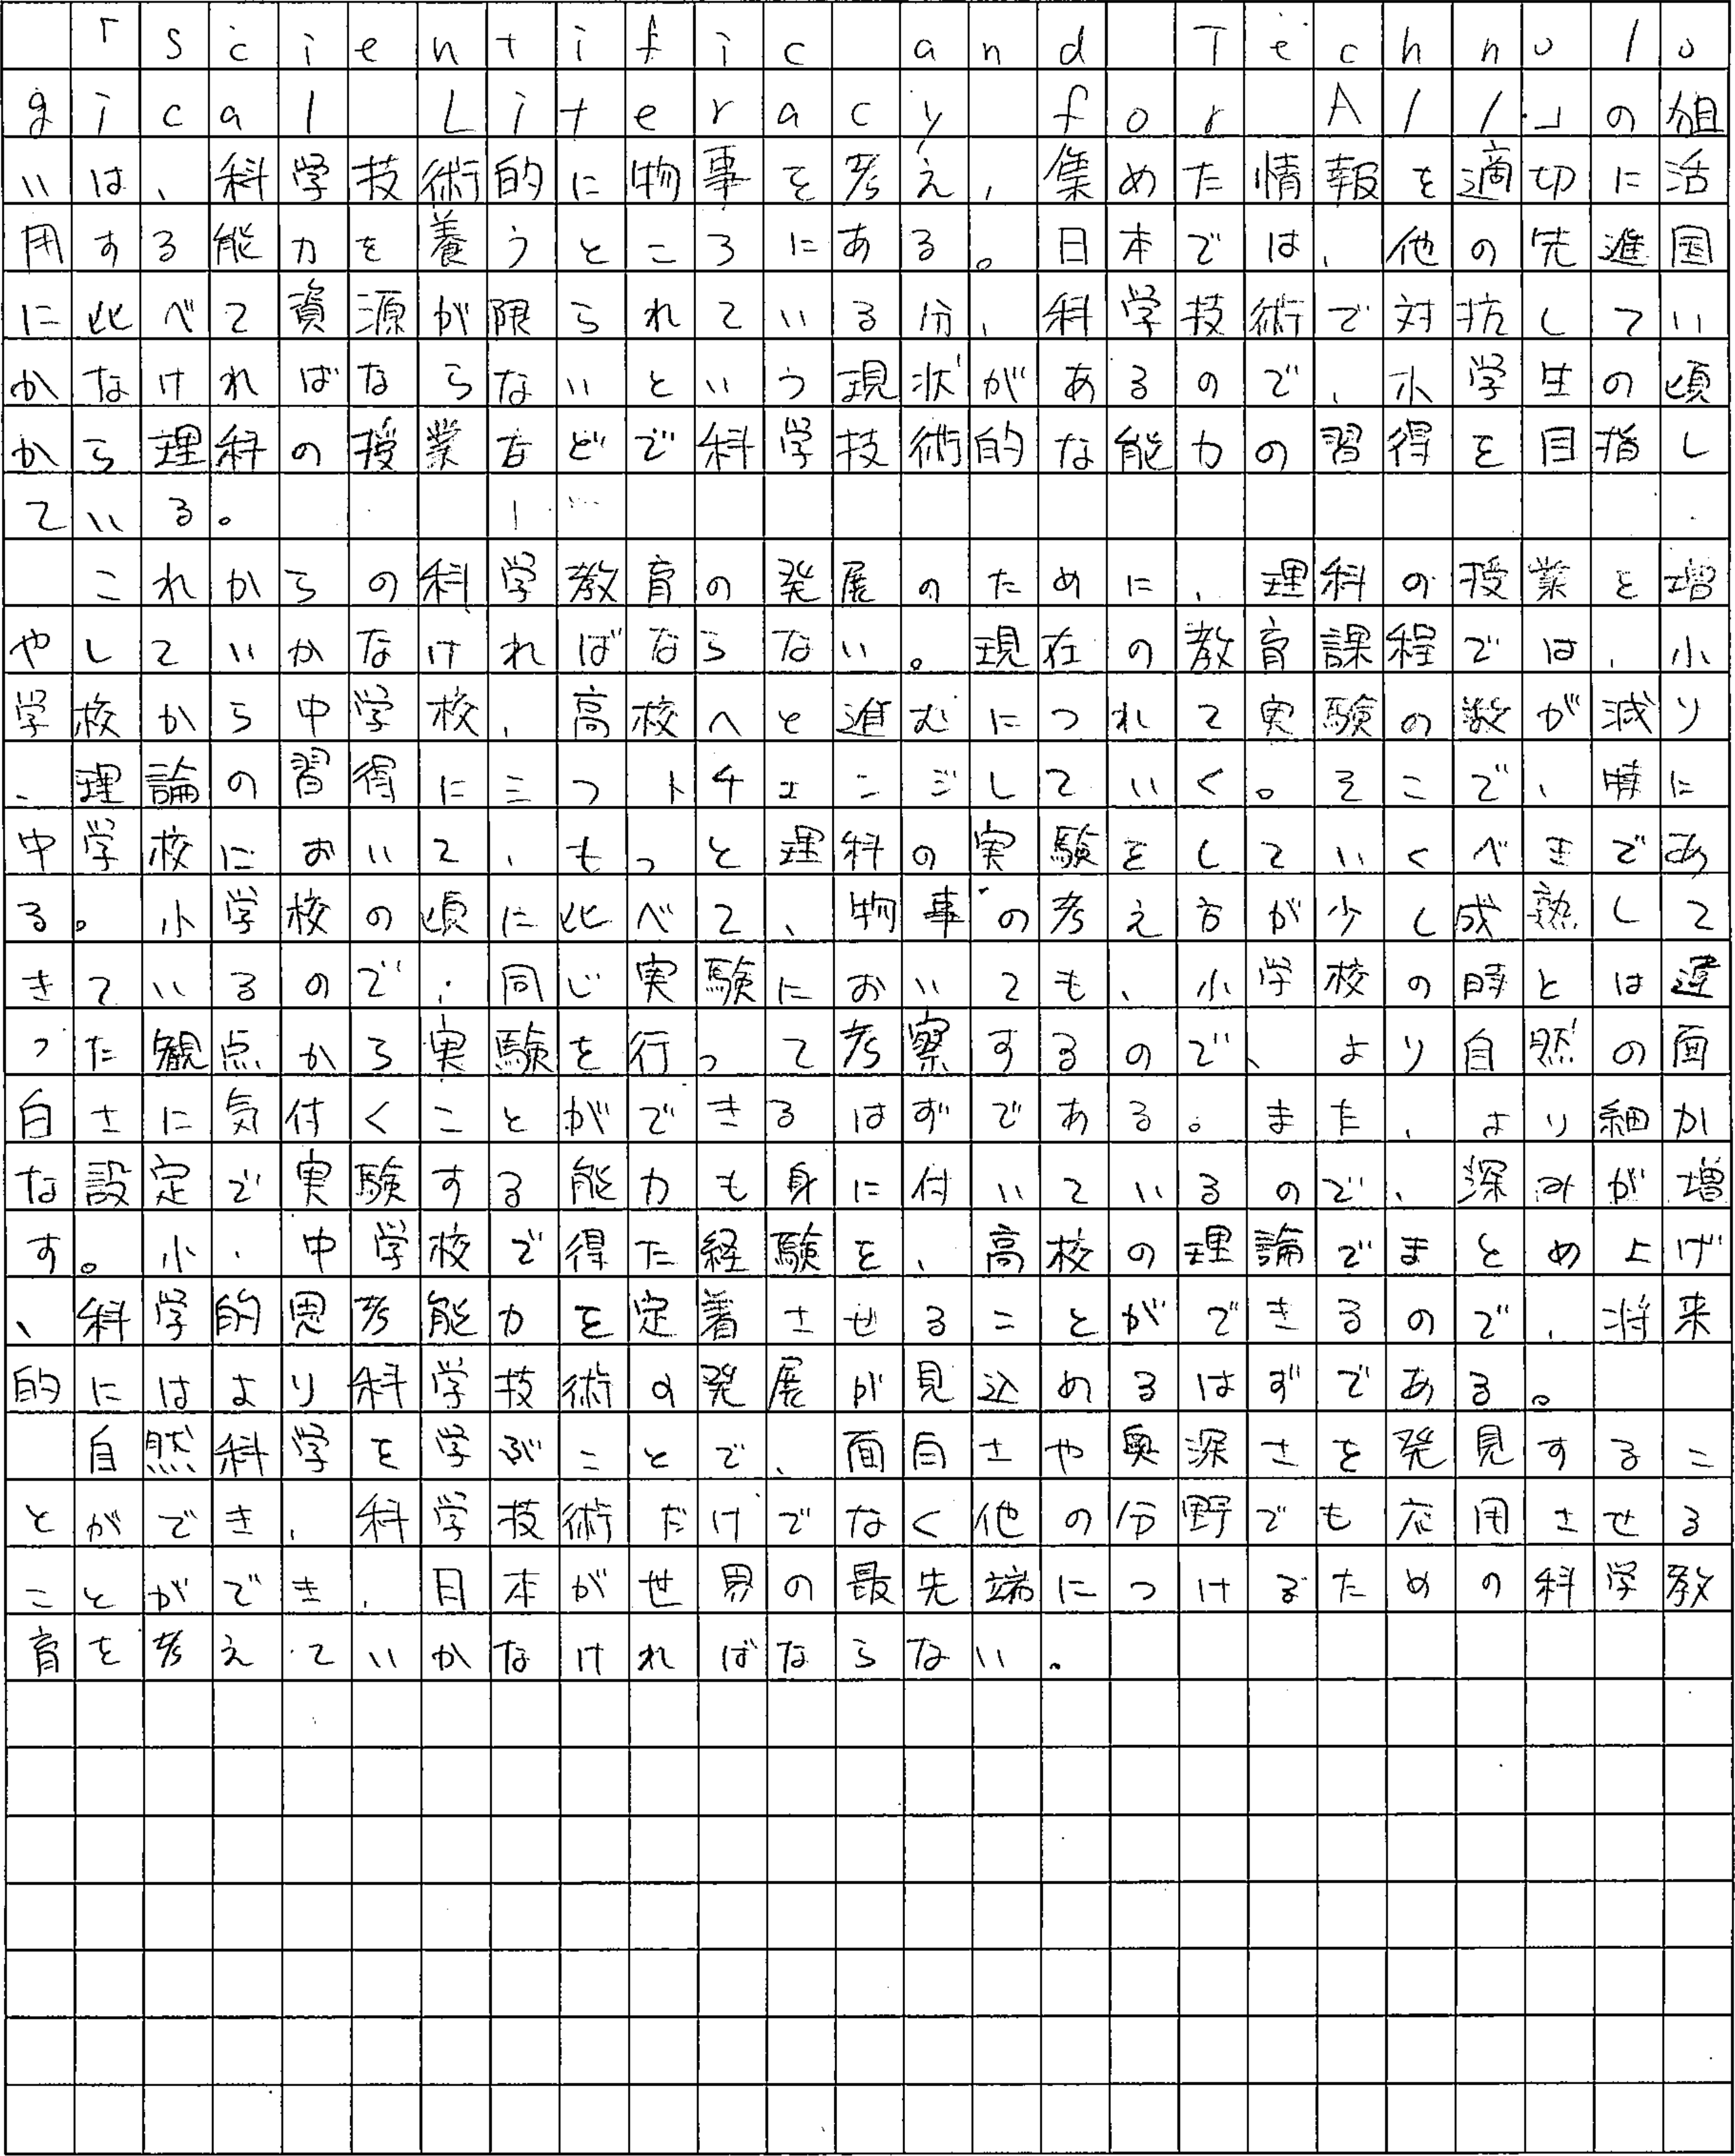　「Ｓｃｉｅｎｔｉｆｉｃ　ａｎｄ　Ｔｅｃｈｎｏｌｏｇｉｃａｌ　Ｌｉｔｅｒａｃｙ　ｆｏｒ　Ａｌｌ」の狙いは、科学技術的に物事を考え、集めた情報を適切に活用する能力を養うところにある。日本では、他の先進国に比べて資源が限られている分、科学技術で対抗していかなければならないという現状があるので、小学生の頃から理科の授業などで科学技術的な能力の習得を目指している。
　これからの科学教育の発展のために、理科の授業を増やしていかなければならない。現在の教育課程では、小学校から中学校、高校へと進むにつれて実験の数が減り、理論の習得にシフトチェンジしていく。そこで、特に中学校において、もっと理科の実験をしていくべきである。小学校の頃に比べて、物事の考え方が少し成熟してきているので、同じ実験においても、小学校の時とは違った観点から実験を行って考察するので、より自然の面白さに気付くことができるはずである。また、より細かな設定で実験する能力も身に付いているので、深みが増す。小・中学校で得た経験を、高校の理論でまとめ上げ、科学的思考能力を定着させることができるので、将来的にはより科学技術の発展が見込めるはずである。
　自然科学を学ぶことで、面白さや奥深さを発見することができ、科学技術だけでなく他の分野でも応用させることができ、日本が世界の最先端につけるための科学教育を考えていかなければならない。
